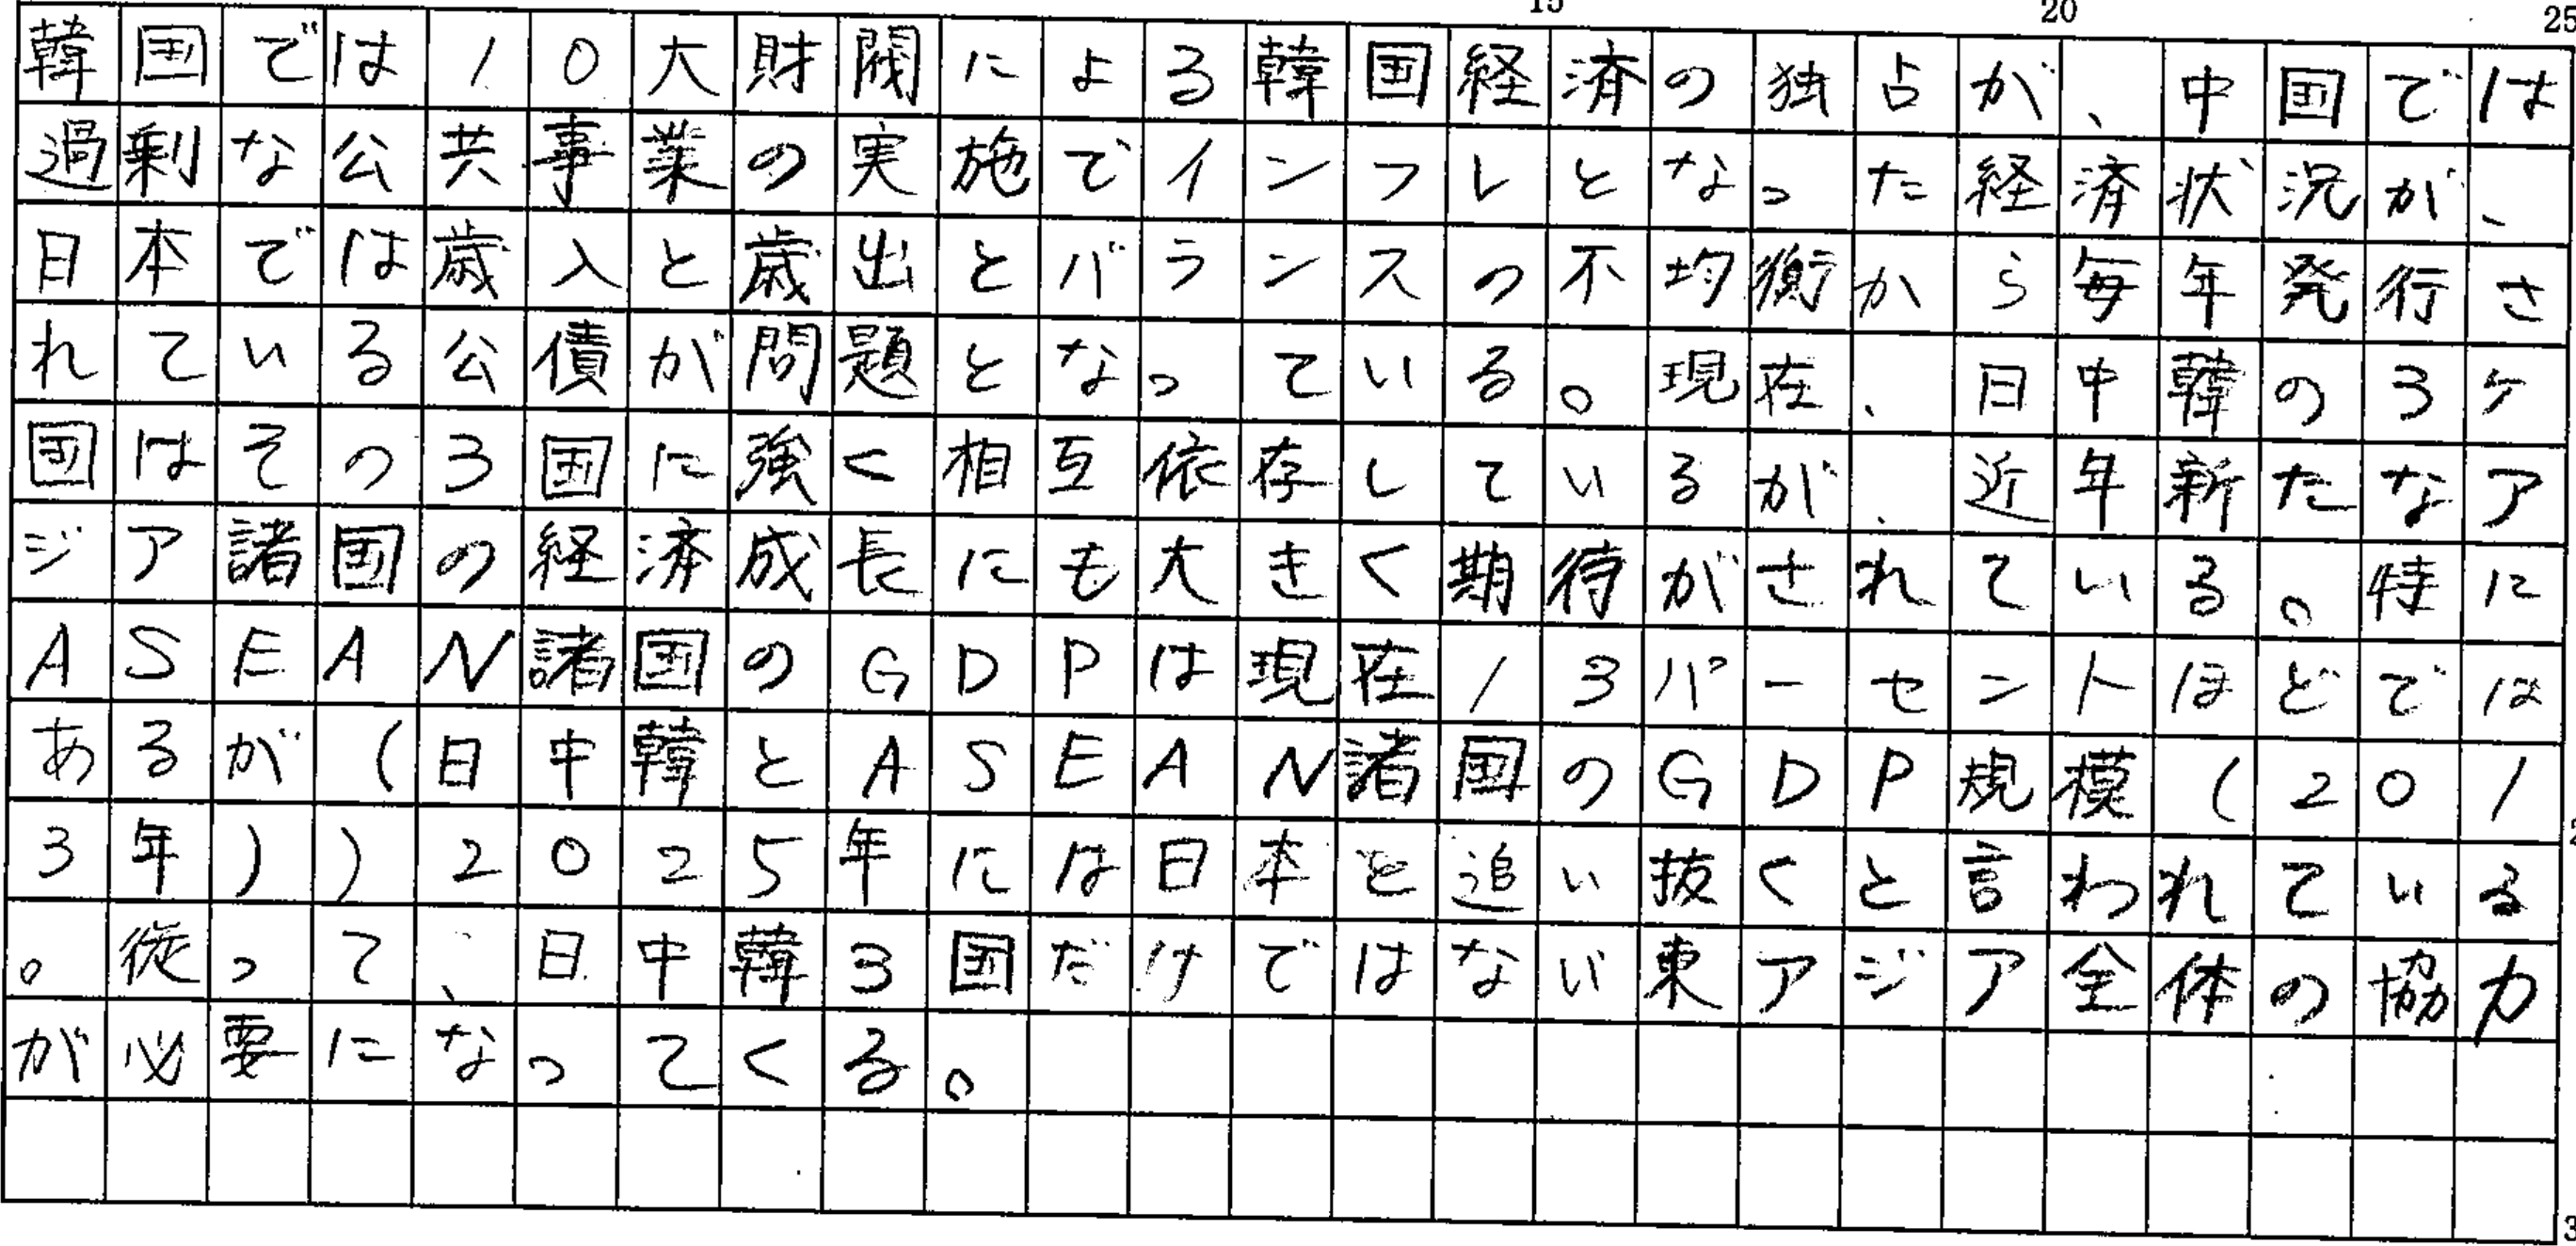韓国では１０大財閥による韓国経済の独占が、中国では過剰な公共事業の実施でインフレとなった経済状況が、日本では歳入と歳出とバランスの不均衡から毎年発行されている公債が問題となっている。現在、日中韓の３ヶ国はその３国に強く相互依存しているが、近年新たなアジア諸国の経済成長にも大きく期待がされている。特にＡＳＥＡＮ諸国のＧＤＰは現在１３パーセントほどではあるが（日中韓とＡＳＥＡＮ諸国のＧＤＰ規模（２０１３年））２０２５年には日本を追い抜くと言われている。従って、日中韓３国だけではない東アジア全体の協力が必要になってくる。
